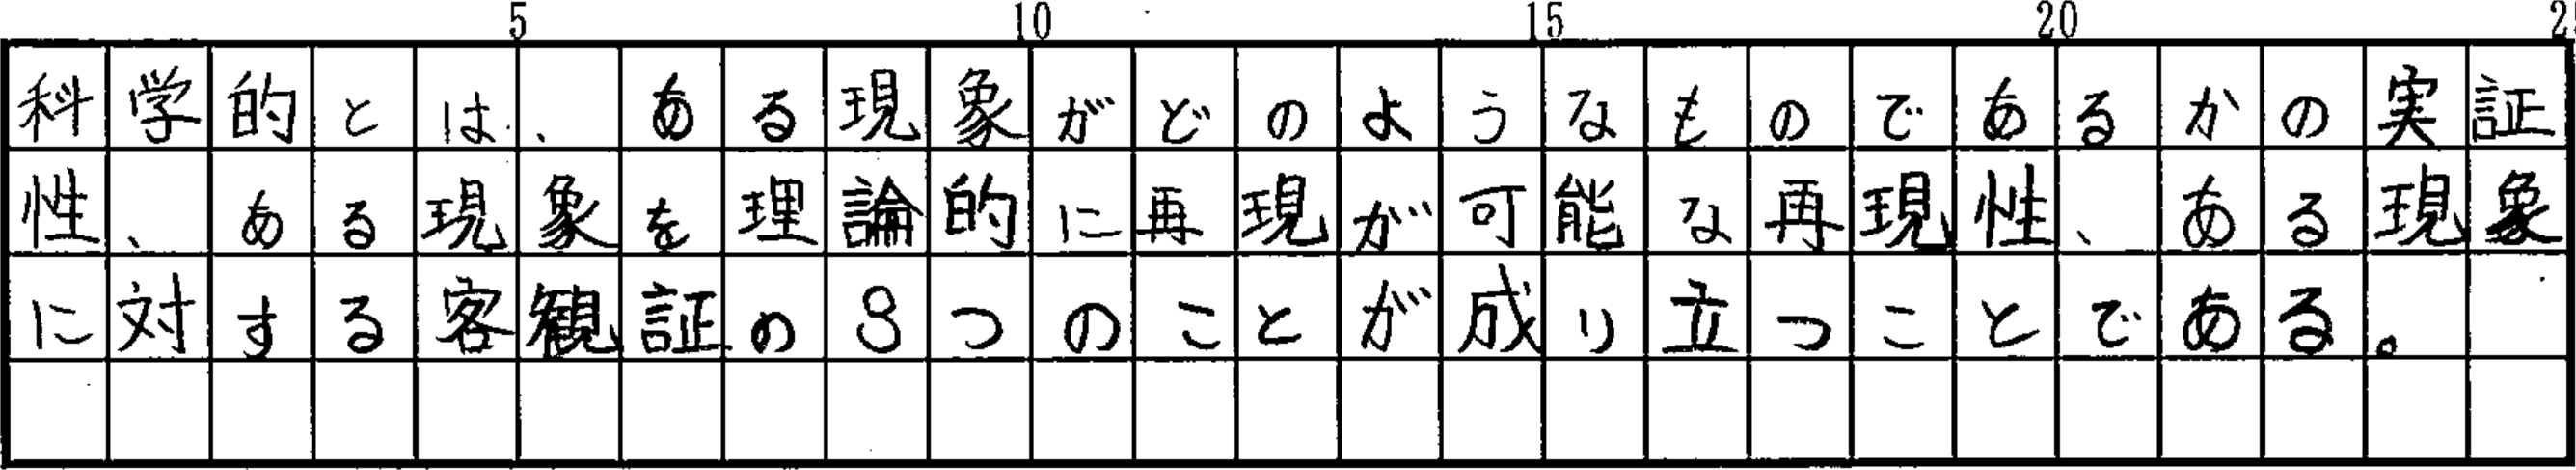科学的とは、ある現象がどのようなものであるかの実証性、ある現象を理論的に再現が可能な再現性、ある現象に対する客観証の３つのことが成り立つことである。
